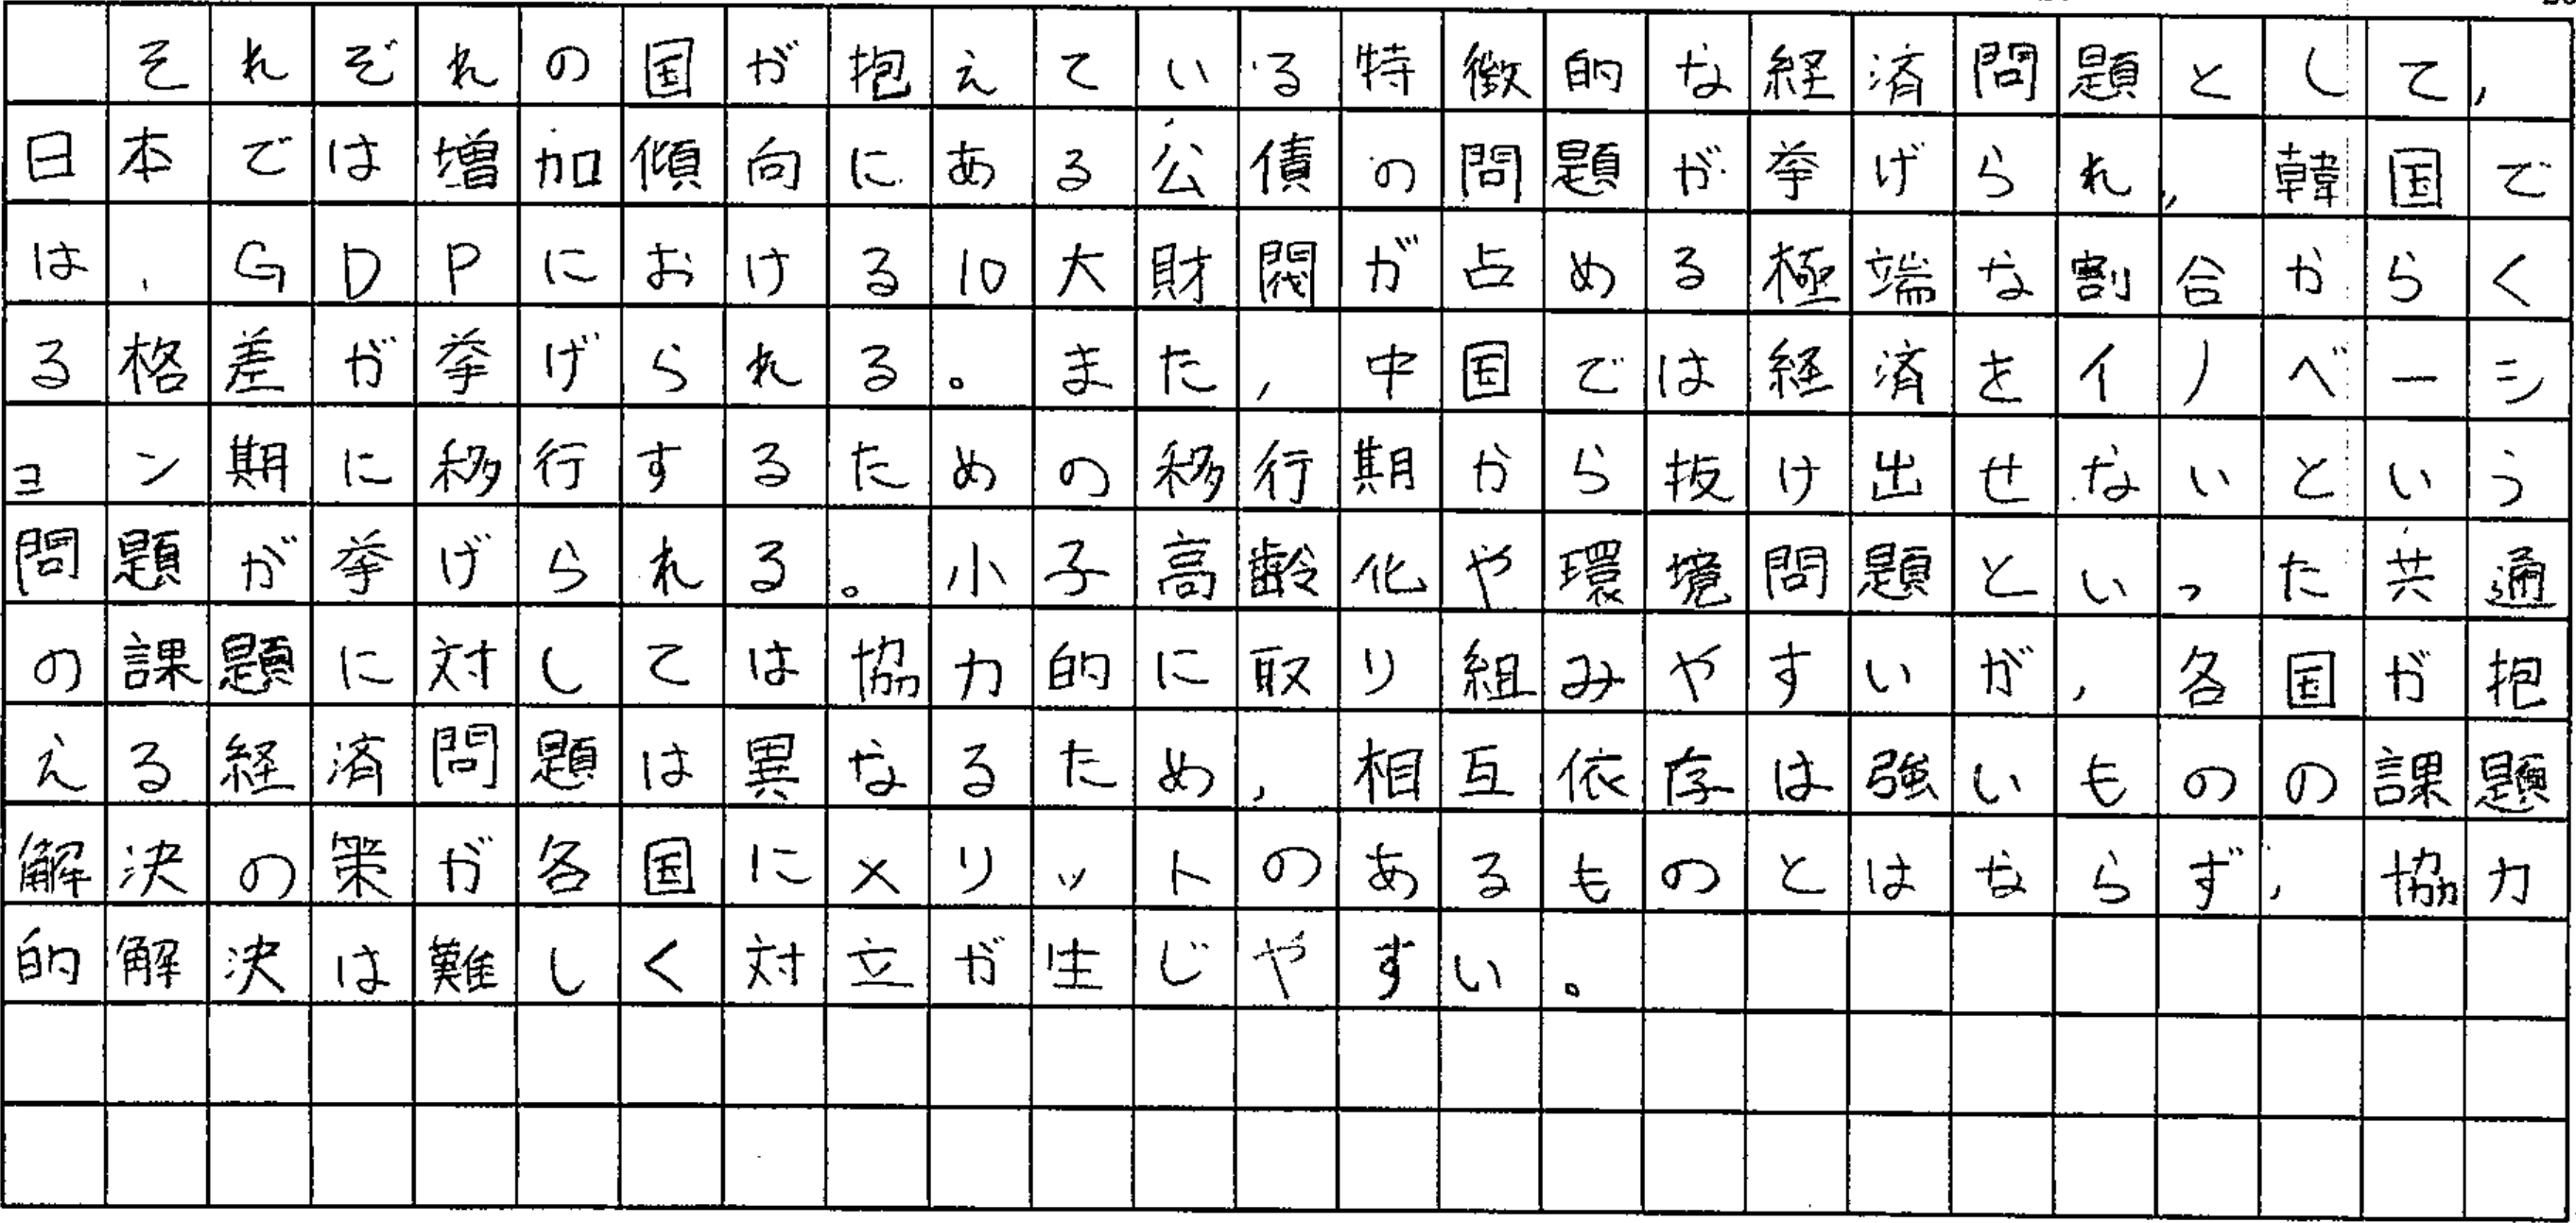　それぞれの国が抱えている特徴的な経済問題として，日本では増加傾向にある公債の問題が挙げられ，韓国では、ＧＤＰにおける10大財閥が占める極端な割合からくる格差が挙げられる。また，中国では経済をイノベーション期に移行するための移行期から抜け出せないという問題が挙げられる。小子高齢化や環境問題といった共通の課題に対しては協力的に取り組みやすいが，各国が抱える経済問題は異なるため，相互依存は強いものの課題解決の策が各国にメリットのあるものとはならず，協力的解決は難しく対立が生じやすい。
